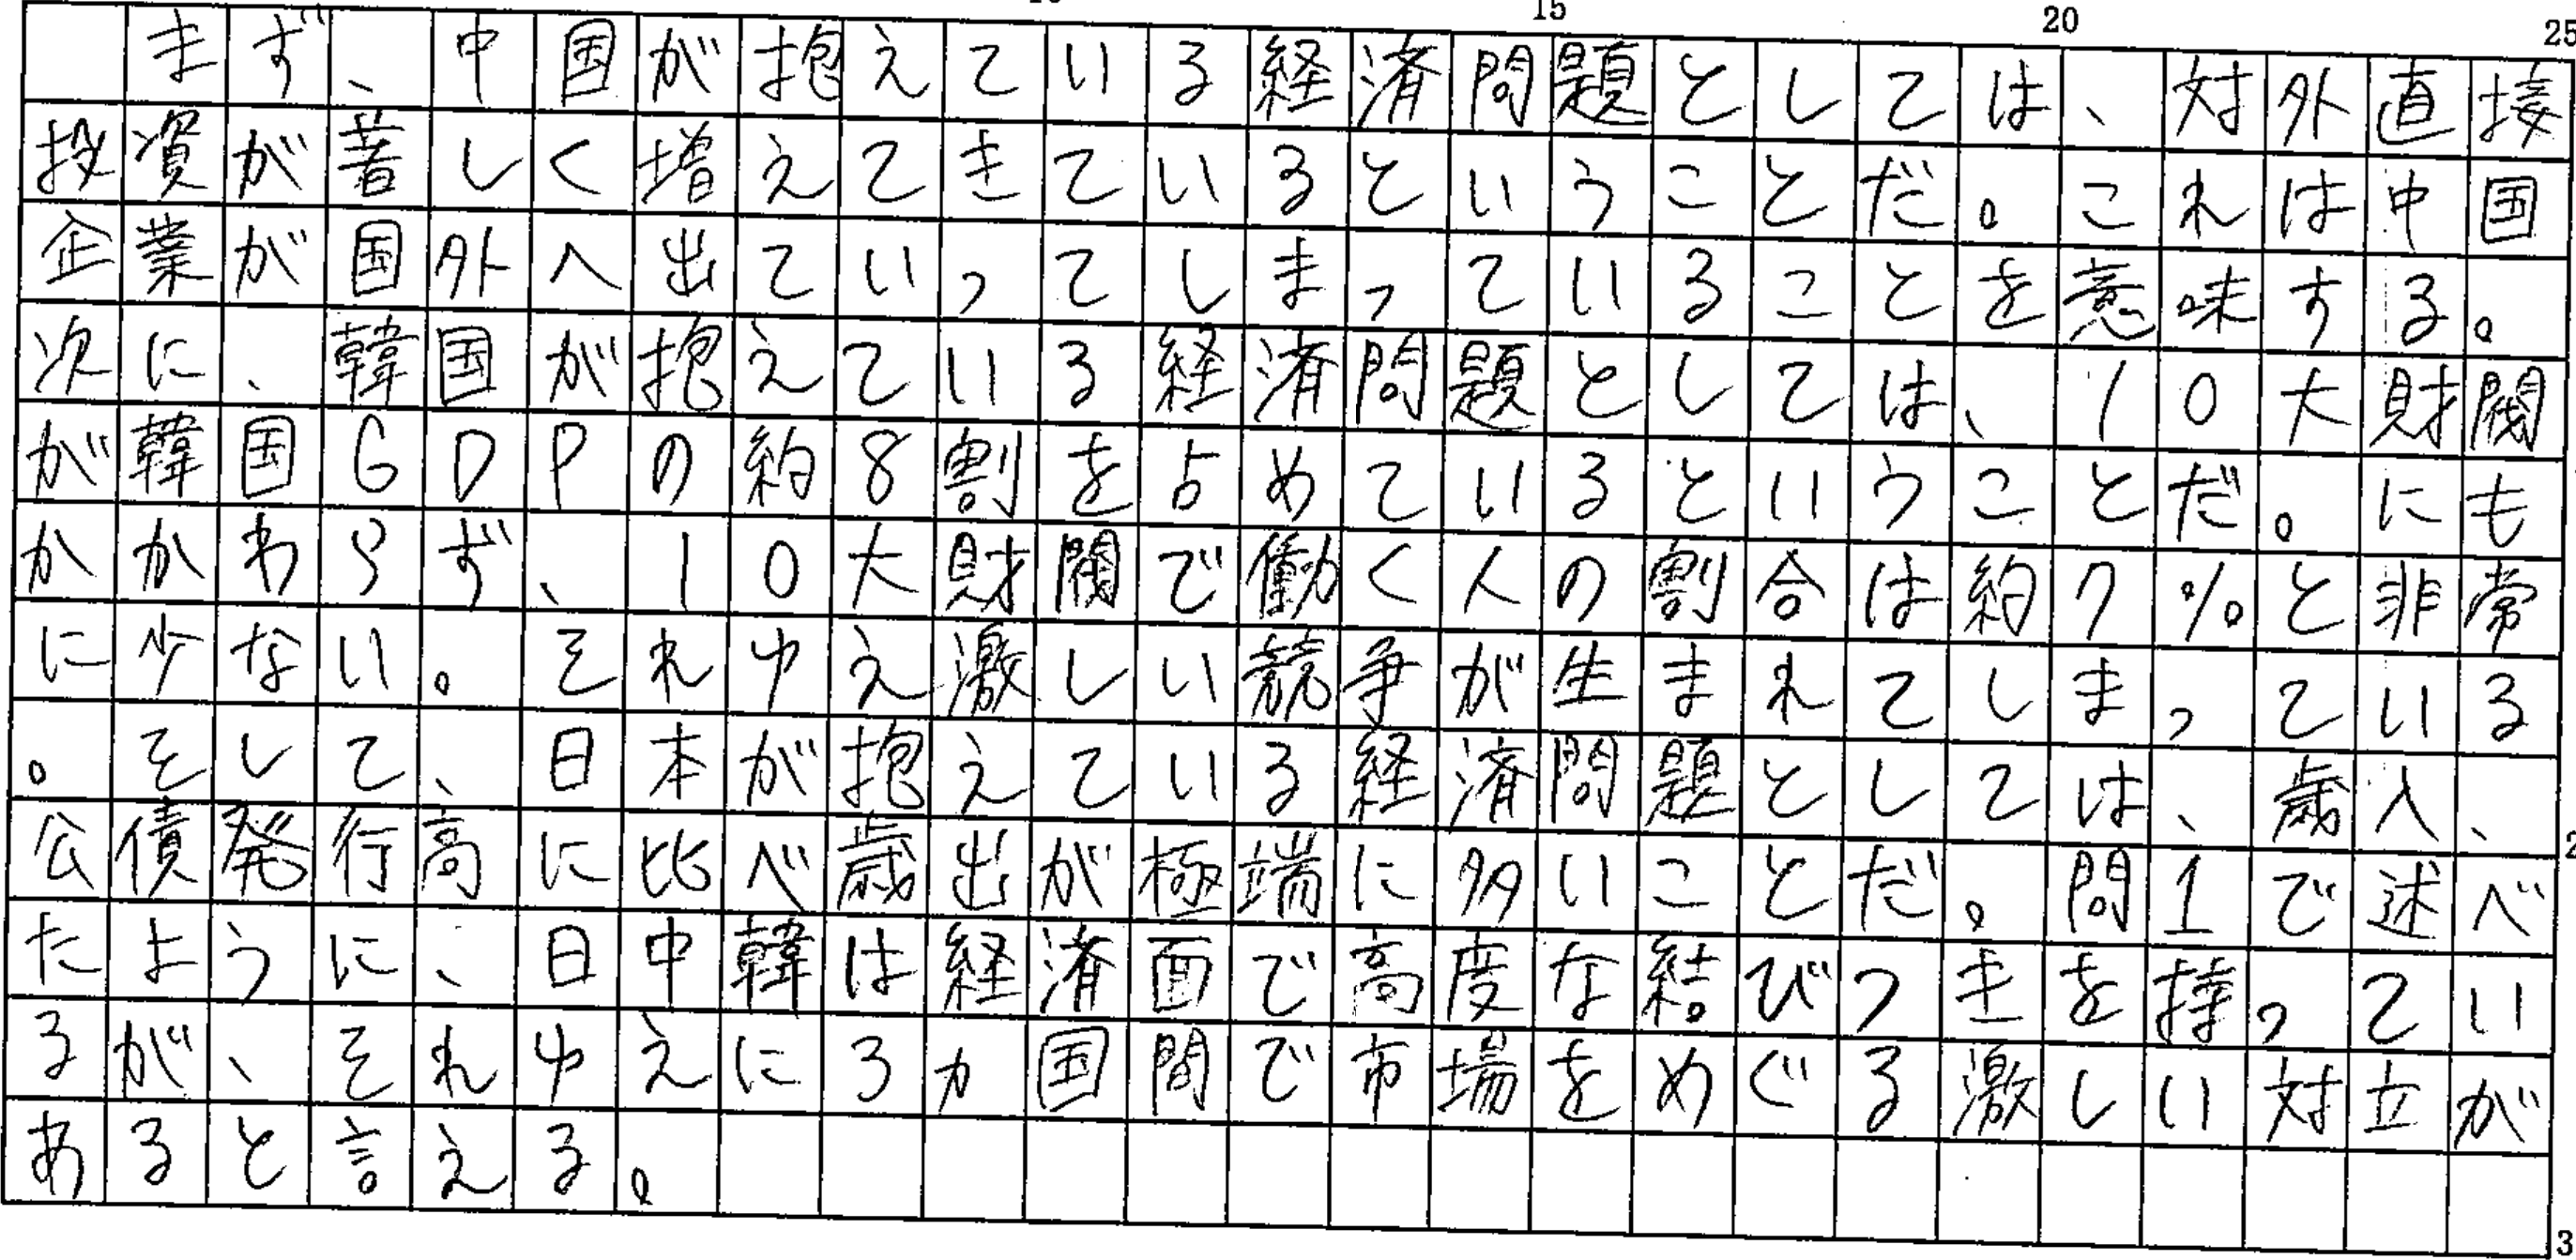　まず、中国が抱えている経済問題としては、対外直接投資が著しく増えてきているということだ。これは中国企業が国外へ出ていってしまっていることを意味する。次に、韓国が抱えている経済問題としては、１０大財閥が韓国ＧＤＰの約８割を占めているということだ。にもかかわらず、１０大財閥で働く人の割合は約７％と非常に少ない。それゆえ激しい競争が生まれてしまっている。そして、日本が抱えている経済問題としては、歳入、公債発行高に比べ歳出が極端に多いことだ。問１で述べたように、日中韓は経済面で高度な結びつきを持っているが、それゆえに３ヵ国間で市場をめぐる激しい対立があると言える。
